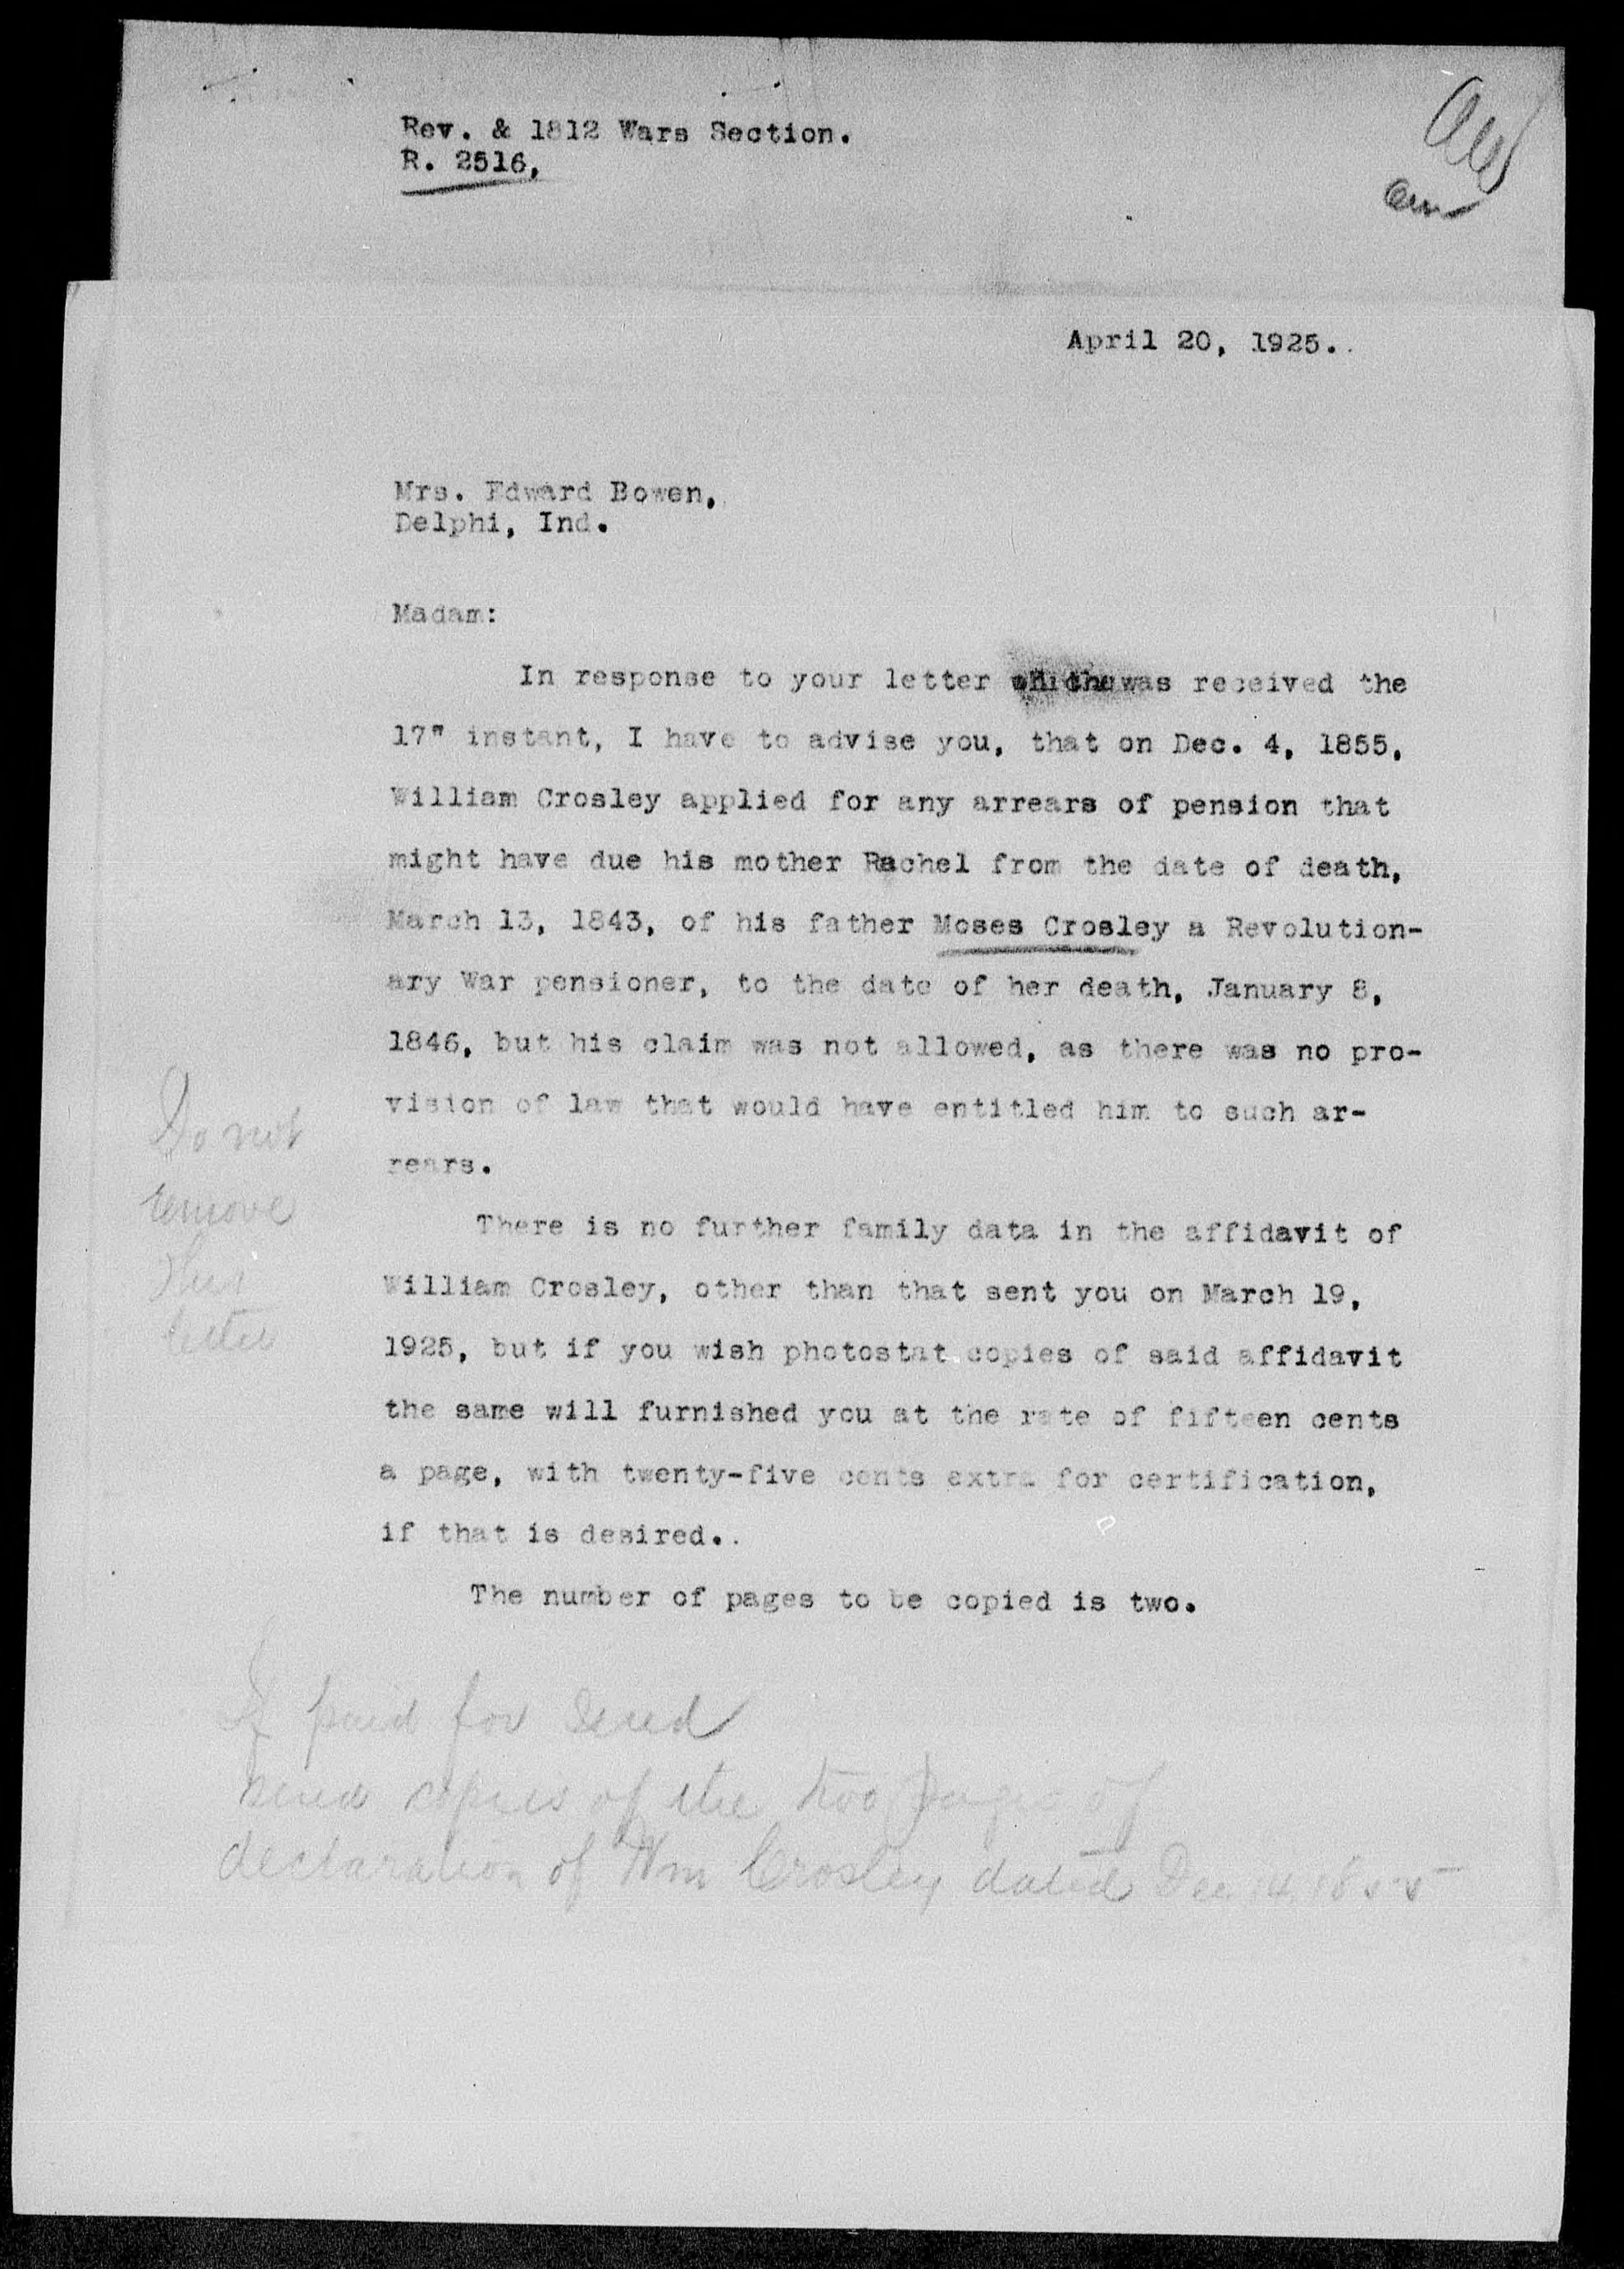[illegible notation in upper-right corner]

Rev. & 1812 Wars Section.
R. 2516,

April 20, 1925.

Mrs. Edward Bowen,
Delphi, Ind.

Madam:
In response to your letter which was received the 17" instant, I have to advise you, that on Dec. 4, 1855, William Crosley applied for any arrears of pension that might have due his mother Rachel from the date of death, March 13, 1843,  of his father Moses Crosley a Revolutionary War pensioner, to the date of her death, January 8, 1846, but his claim was not allowed, as there was no provision of law that would have entitled him to such arrears.
There is no further family data in the affidavit of William Crosley, other than that sent you on March 19, 1925, but if you wish photostat copies of said affidavit the same will furnished you at the rate of fifteen cents a page, with twenty-five cents extra for certification, if that is desired.
The number of pages to be copied is two.

[handwritten notation on left margin] Do not remove this letter

[handwritten notation on bottom] If paid for send said copies of the two pages of declaration of Wm Crosley dated Dec 14[?] 1855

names: William Crosley, William Crosley, Wm Crosley, Edward Bowen, Rachel, Moses Crosley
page: 35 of 37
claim: rejected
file: R. 2516, Moses Crosley, Md.